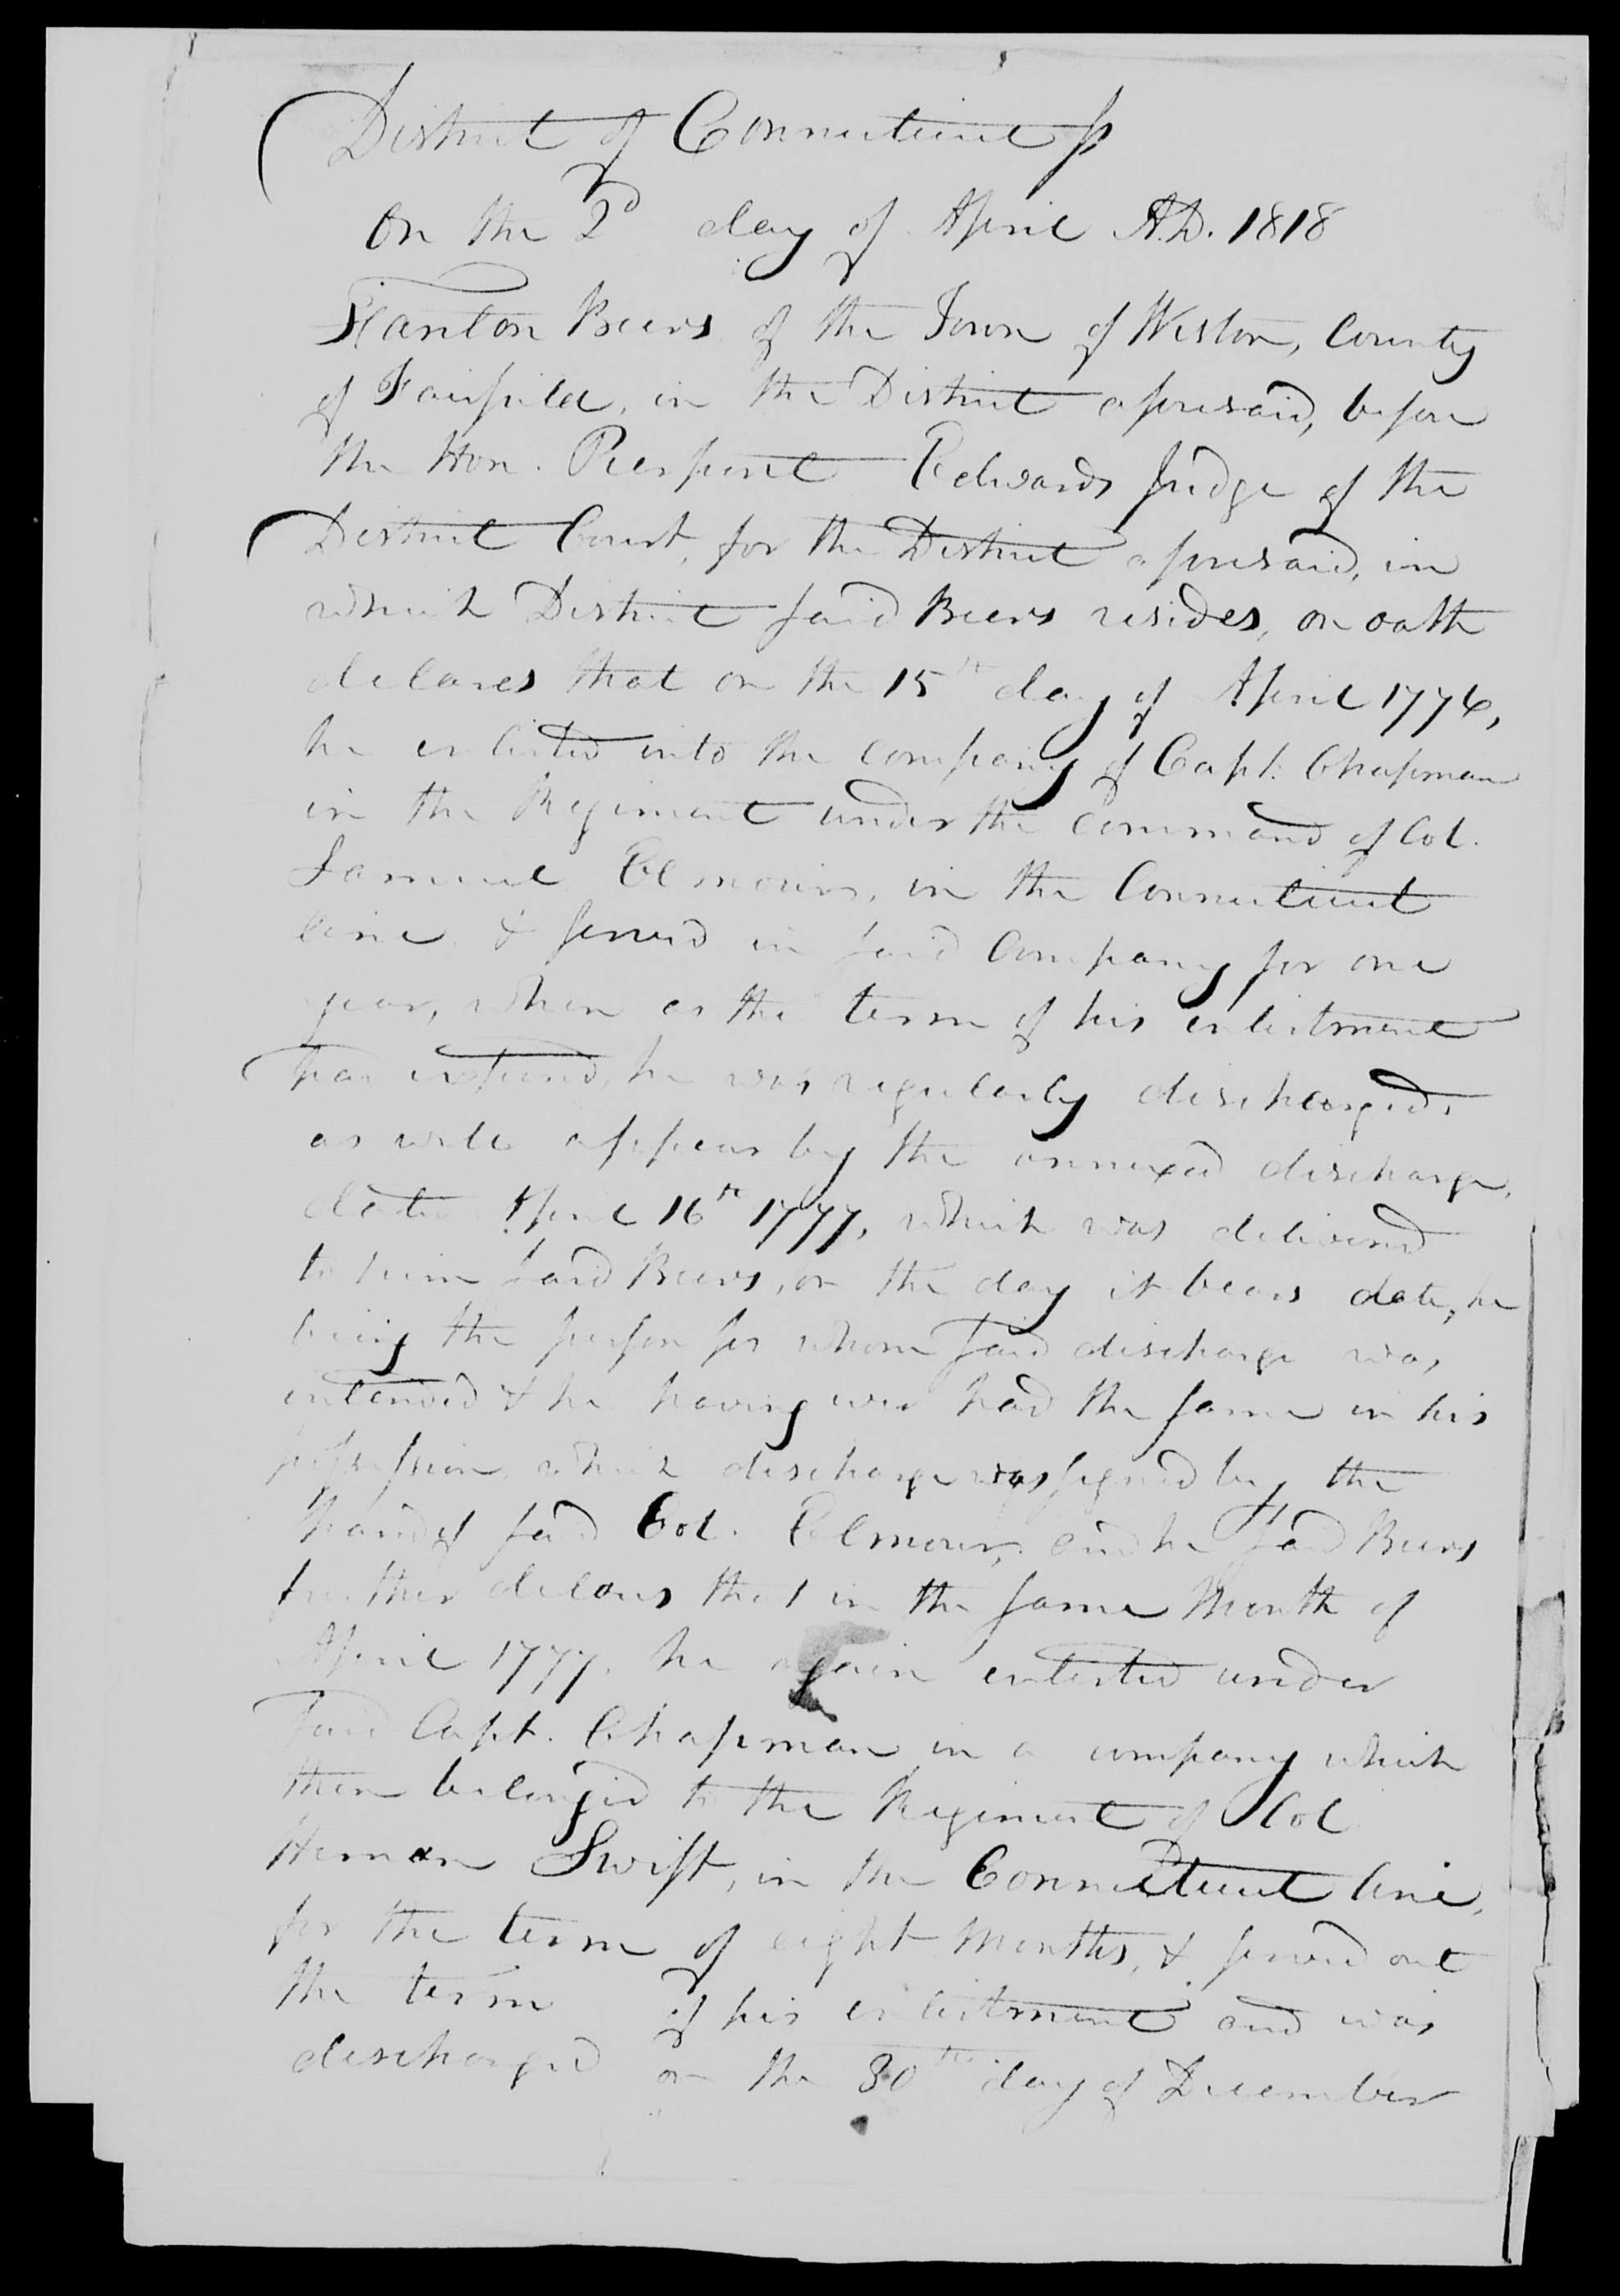District of Connecticut S
On the 2nd day of April AD 1818 Fanton Beers of the Town of Weston, County of Fairfield in the District aforesaid, before the HOn. Pierpont Edwards Judge of the District Court for the District aforesaid, in which District said beers resides on oath declares that on the 15th day of April 1776, he enlisted into the company of Capt. Chapman in the Regiment under the command of Col. Samuel Elmour in the Connecticut line & served in said company for one year, when as the term of his enlistment had expired he was regularly discharged as unto appears by the annexed discharge dated April 16th 1777. which was delivered to him, said Beers, on the day it [illegible] date, he being the  person for whom said discharge was intended & he having was had the same in his possession which discharge was papers by the said officer Col. Elmour and he said Beers further declares that in the same month of April 1777, he again enlisted under said Capt. Chapman in a company which then belonged to the Regiment of Col. Heman Swift, in the Connecticut line for the time of eight months & served out the term of his enlistment and was discharged on the 30th day of December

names: Elmour, Beers, Samuel Elmour, Beers, Beers, Heman Swift, Fanton Beers, Pierpont Edwards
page: 6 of 23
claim: survivor's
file: S. 37,750, Fanton Beers, Conn.